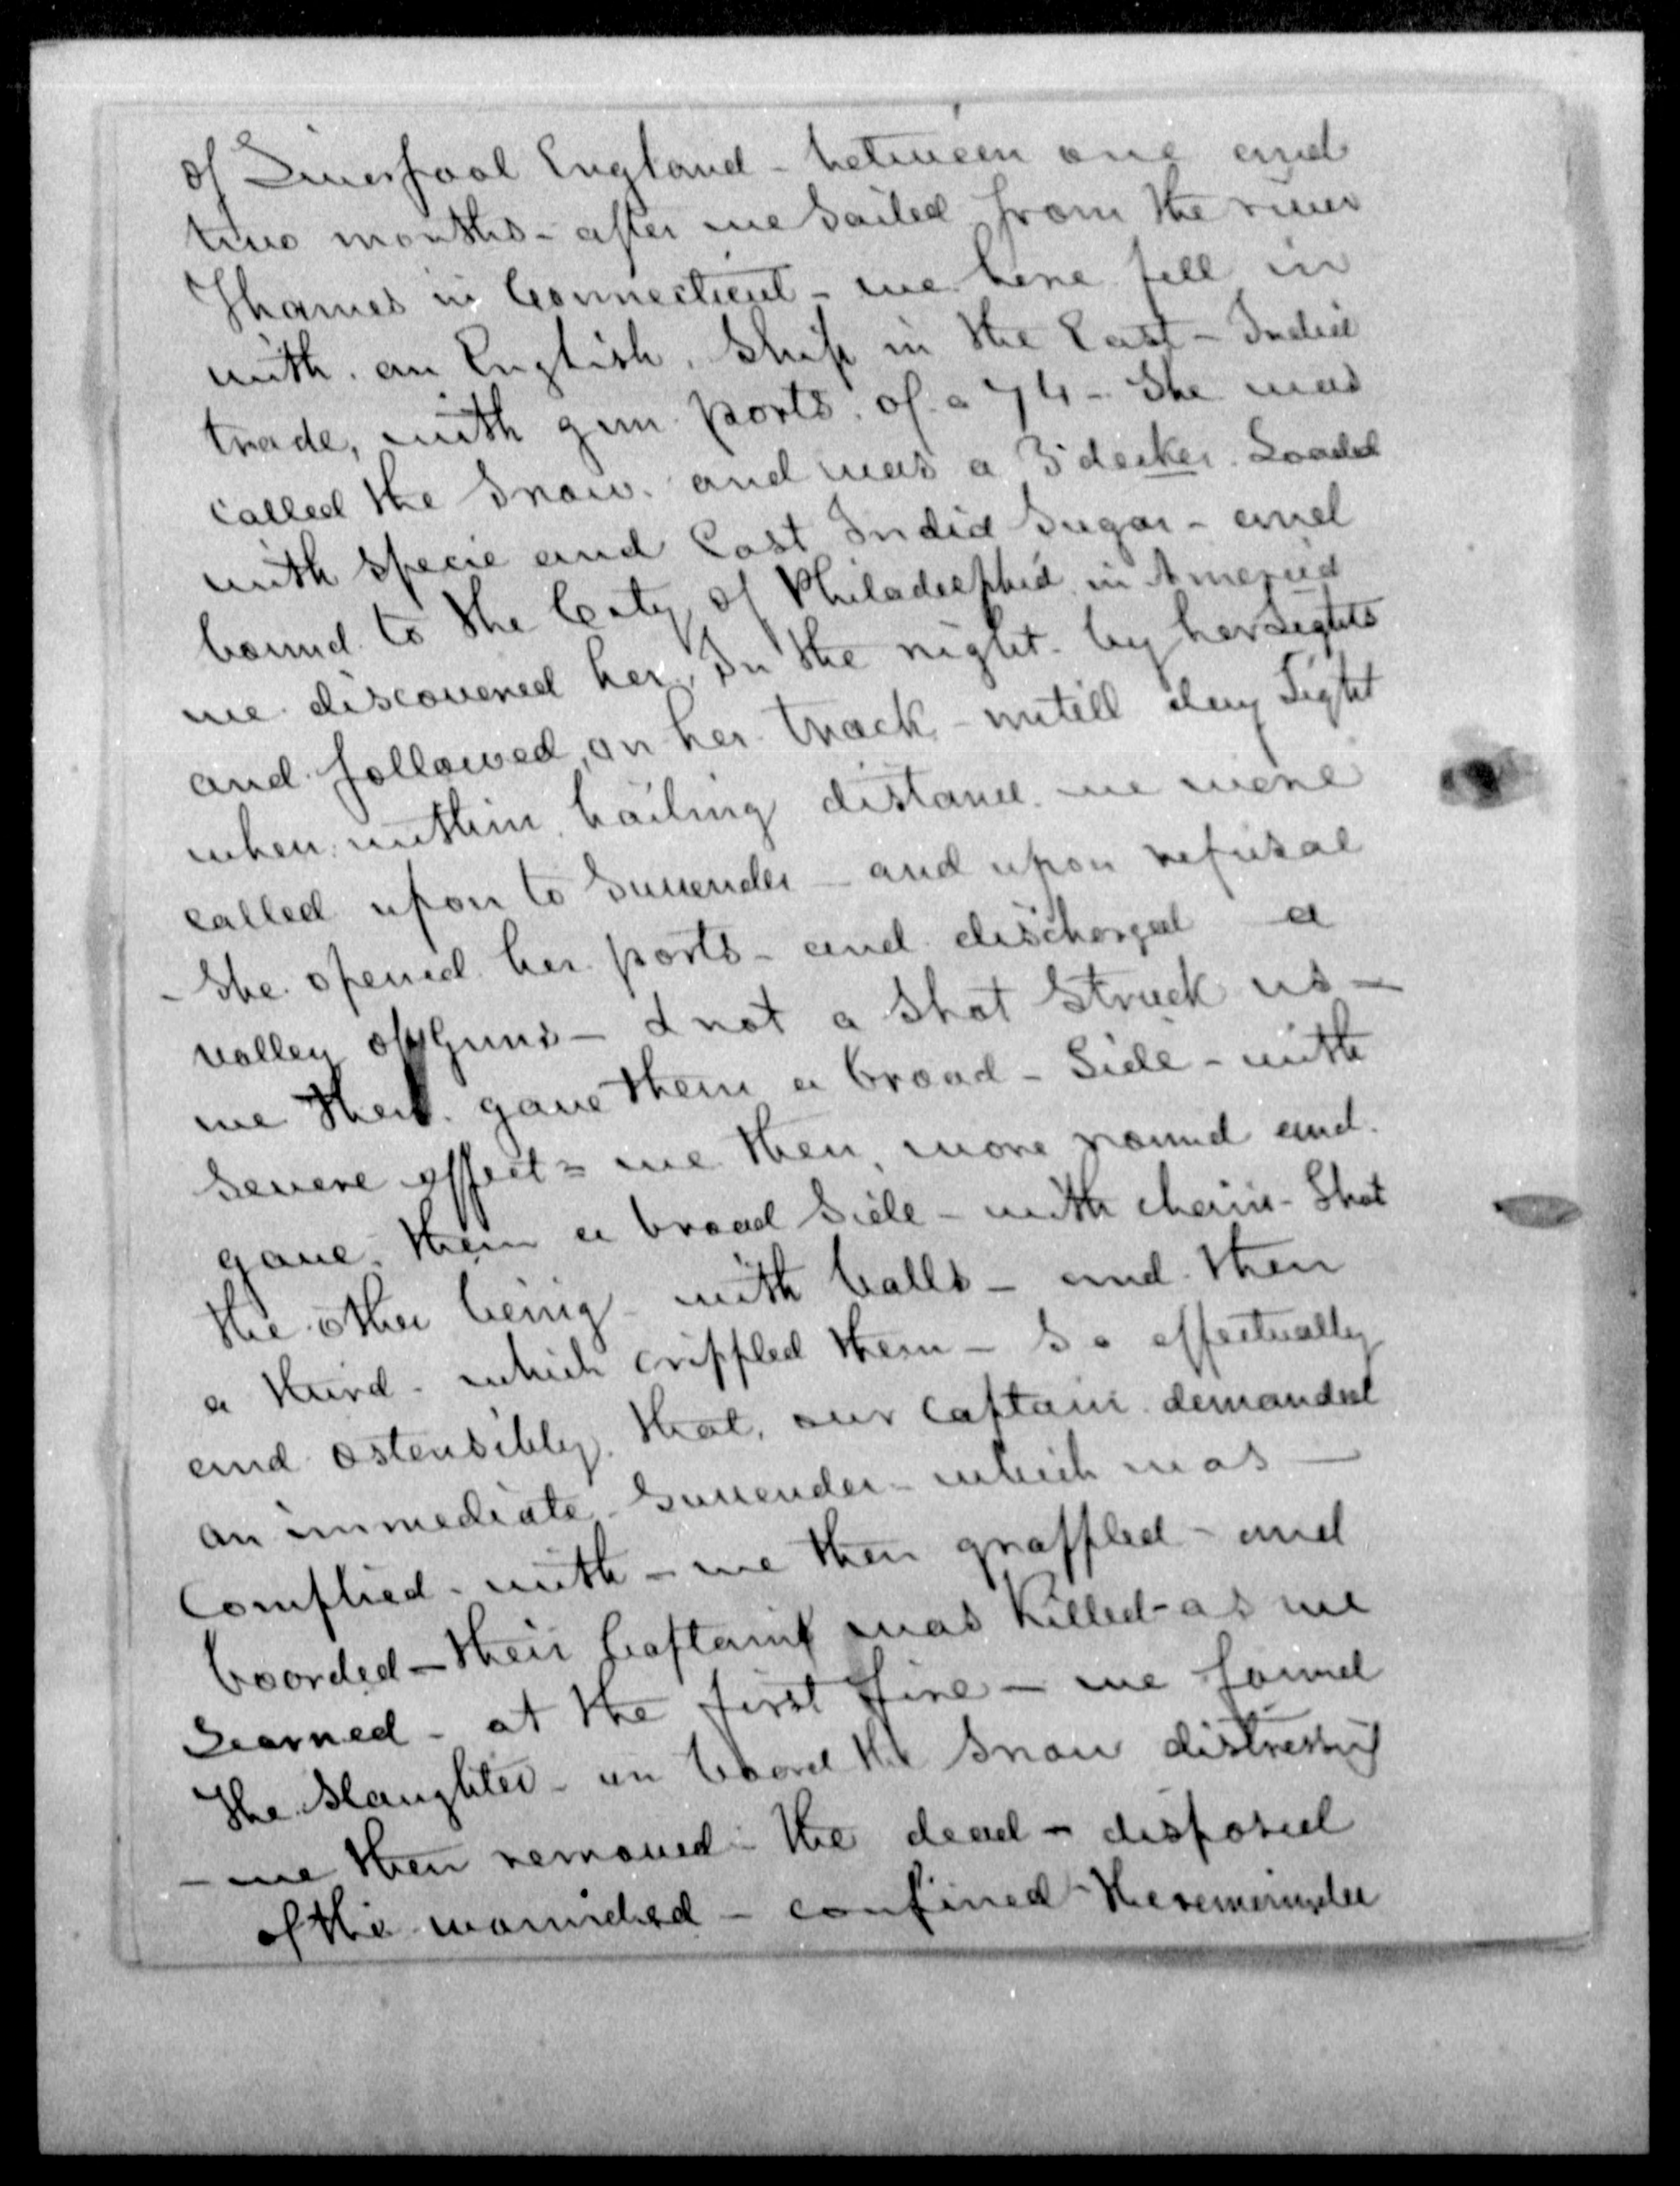Liverpool England, between one and
two months after we sailed from the river
Thames in Connecticut - we here fell in 
with an English Ship in the East- India
trade, with gun ports of a 74 - . She was
called the Snow and was a 3 decker loaded
with specie and East India Sugar-and
bound to the City of Philadelphia in America
we discovered her in the night by her lights
and followed on her track untill day light
when within hailing distance we were 
called upon to surrender and upon refusal
she opened her ports, and discharged a
volley of Guns - & not a shot struck us
we then gave them, a broad - Side-- with
severe effect - we then more round and
gave them a  broad side with chains-That the
other being with balls - and then
a third - which crippled them - So effectually
and Ostensibly that our captain demanded
an immediate surrender which was
Complied with, we then grappled and
boarded-their captain was killed as we
learned, at the first fire - we found 
The slaughter, on board the now [illegible]
- we then removed the dead - disposed
of the wounded. confined the remainder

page: 4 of 30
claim: rejected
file: R. 8625, for Elisha Razar, Connecticut